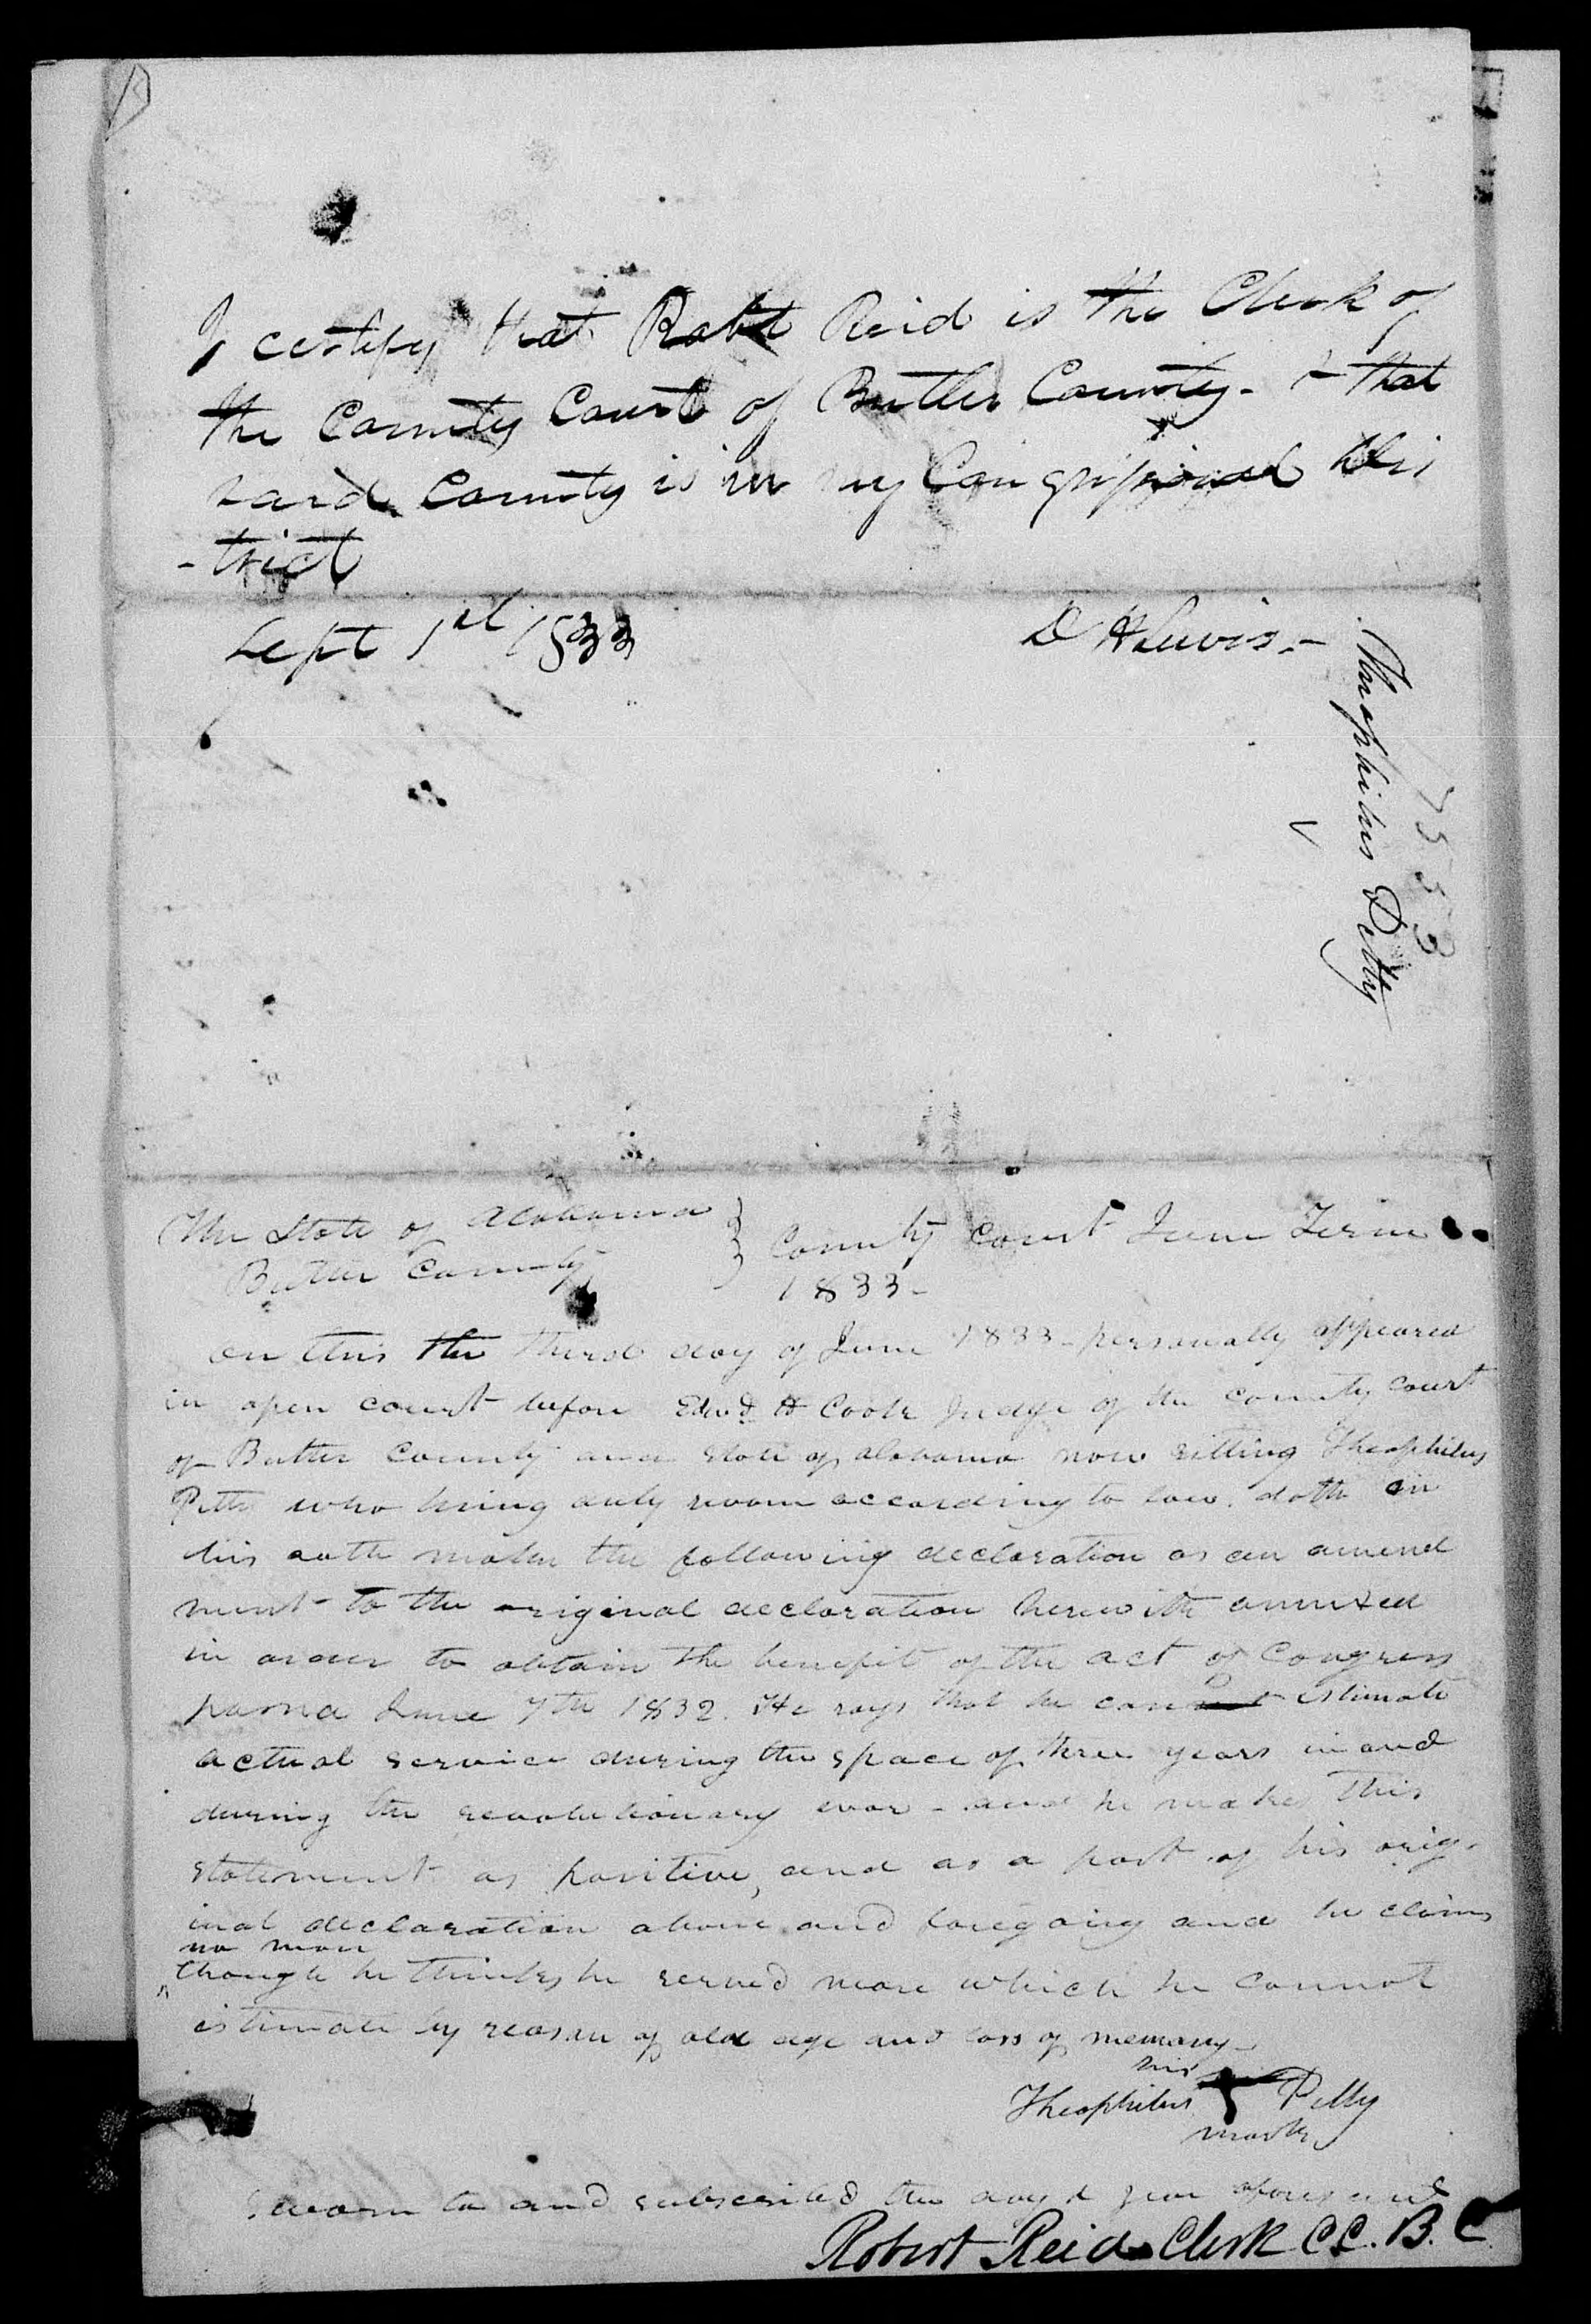I certify that Robt Reid is the clerk of the county court of Butler County & that said county is in my Congressional District
Sept 1st 1833 D H Lewis 

7553
Theophilus Petty

The state of Alabama
Butler County } Couonty Court June Terne 1833
On this the thirst day of June 1833 personally appeared in open court before Edwd H Cook Judge of the county court of Butler County and state of Alabama now sitting Theophilus Petty who being duly sworn according to law doth on his oath make the following declaration as an amendment to the original declaration herewith annexed in order to obtain the benefit of the act of Congress passed June 7th 1832 He says that he cannot estimate actual services during the space of three years in and during the revolutionary war and he makes this statement as positive and as a part of his original declaration above and foregoing and he claims that he thinks he served more which he cannot estimate by reason of old age and loss of memory
Theophilus Petty
his X mark
Sworn to and subscribed the day & year aforesaid
Robert Reid clerk CCBC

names: D H Lewis; Edwd H Cook; Theophilus Petty; Robt Reid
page: 10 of 26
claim: rejected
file: R. 8,161, for Theophilus Petty, South Carolina